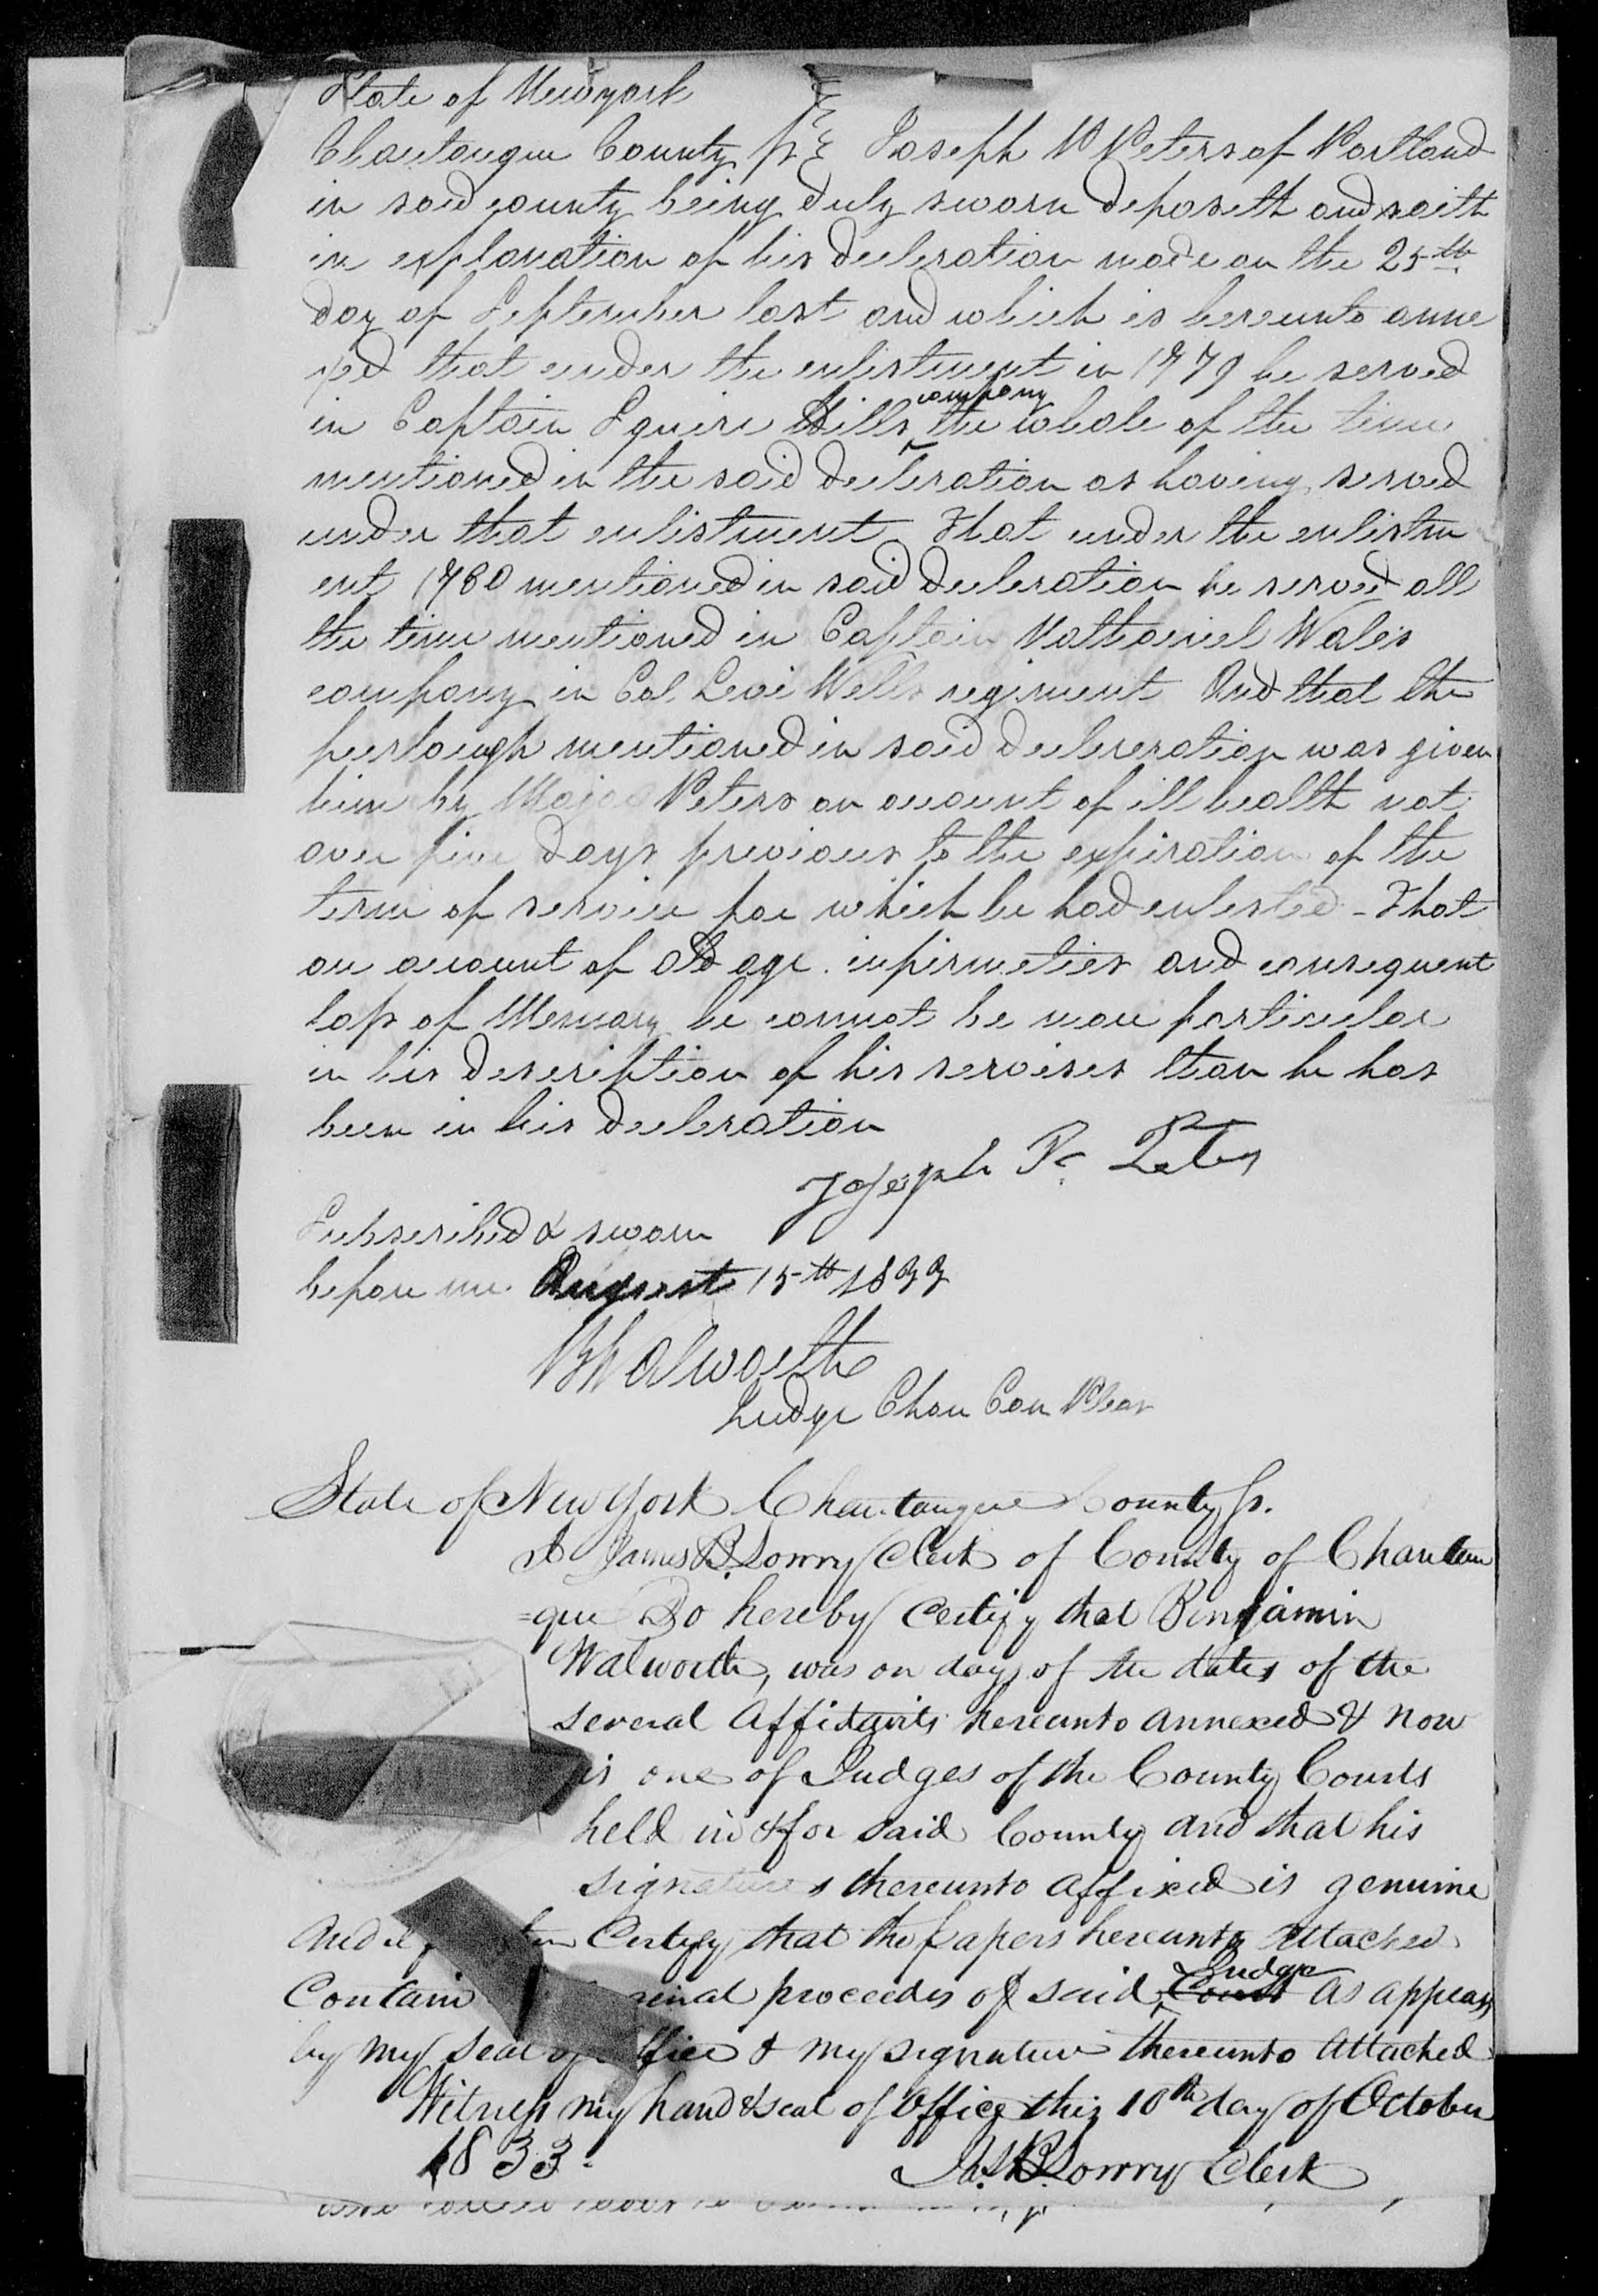State of New York 
Chautauqua County ss} Joseph P Peters of Portland in said County being duly sworn deposeth and with in explanation of his declaration made on the 25th day of September last and which is hereunto annexed that under the enlistment in 1779 he served in Captain Squire Hills company the whole of the time 1 mentioned in the said declaration as having served under that enlistment.   That under the enlistment of 1780 mentioned in said declaration he served all the time mentioned in Captain Nathaniel Wales company in Col. Levi Wells regiment and that the furlough mentioned in said declaration was given him by Major Peters on account of ill health, not over five days previous to the expiration of the time of of service for which he had enlisted. That on account of old age, infirmities and subsequent loss of Memory he cannot be more particular in his description of his services than he has been in his declaration.  
Joseph P. Peters
Subscribed & sworn before me August 15th 1839 
B Walworth Judge Chau Com Pleas 
State of New York 
Chautauqua County ss I James B. Lowry Clerk of County of Chautauqua do hereby certify that Benjamin Walworth, was on days of the date of the several affidavits hereunto annexed & now is one of Judges of the County Courts held in & for said County and that his And signatures thereunto affixed is genuine. And I further Certify that the papers hereunto attached contain original proceeds of said Court as appears by my seal of office & my signature thereunto attached.   
Witness my hand & seal of Office this 10th day of October 1833 
Jas B. Lowry Clerk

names: Benjamin Walworth; James B Lowry; Joseph P Peters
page: 18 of 73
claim: widow's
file: W. 2338, for Joseph P Peters, Connecticut